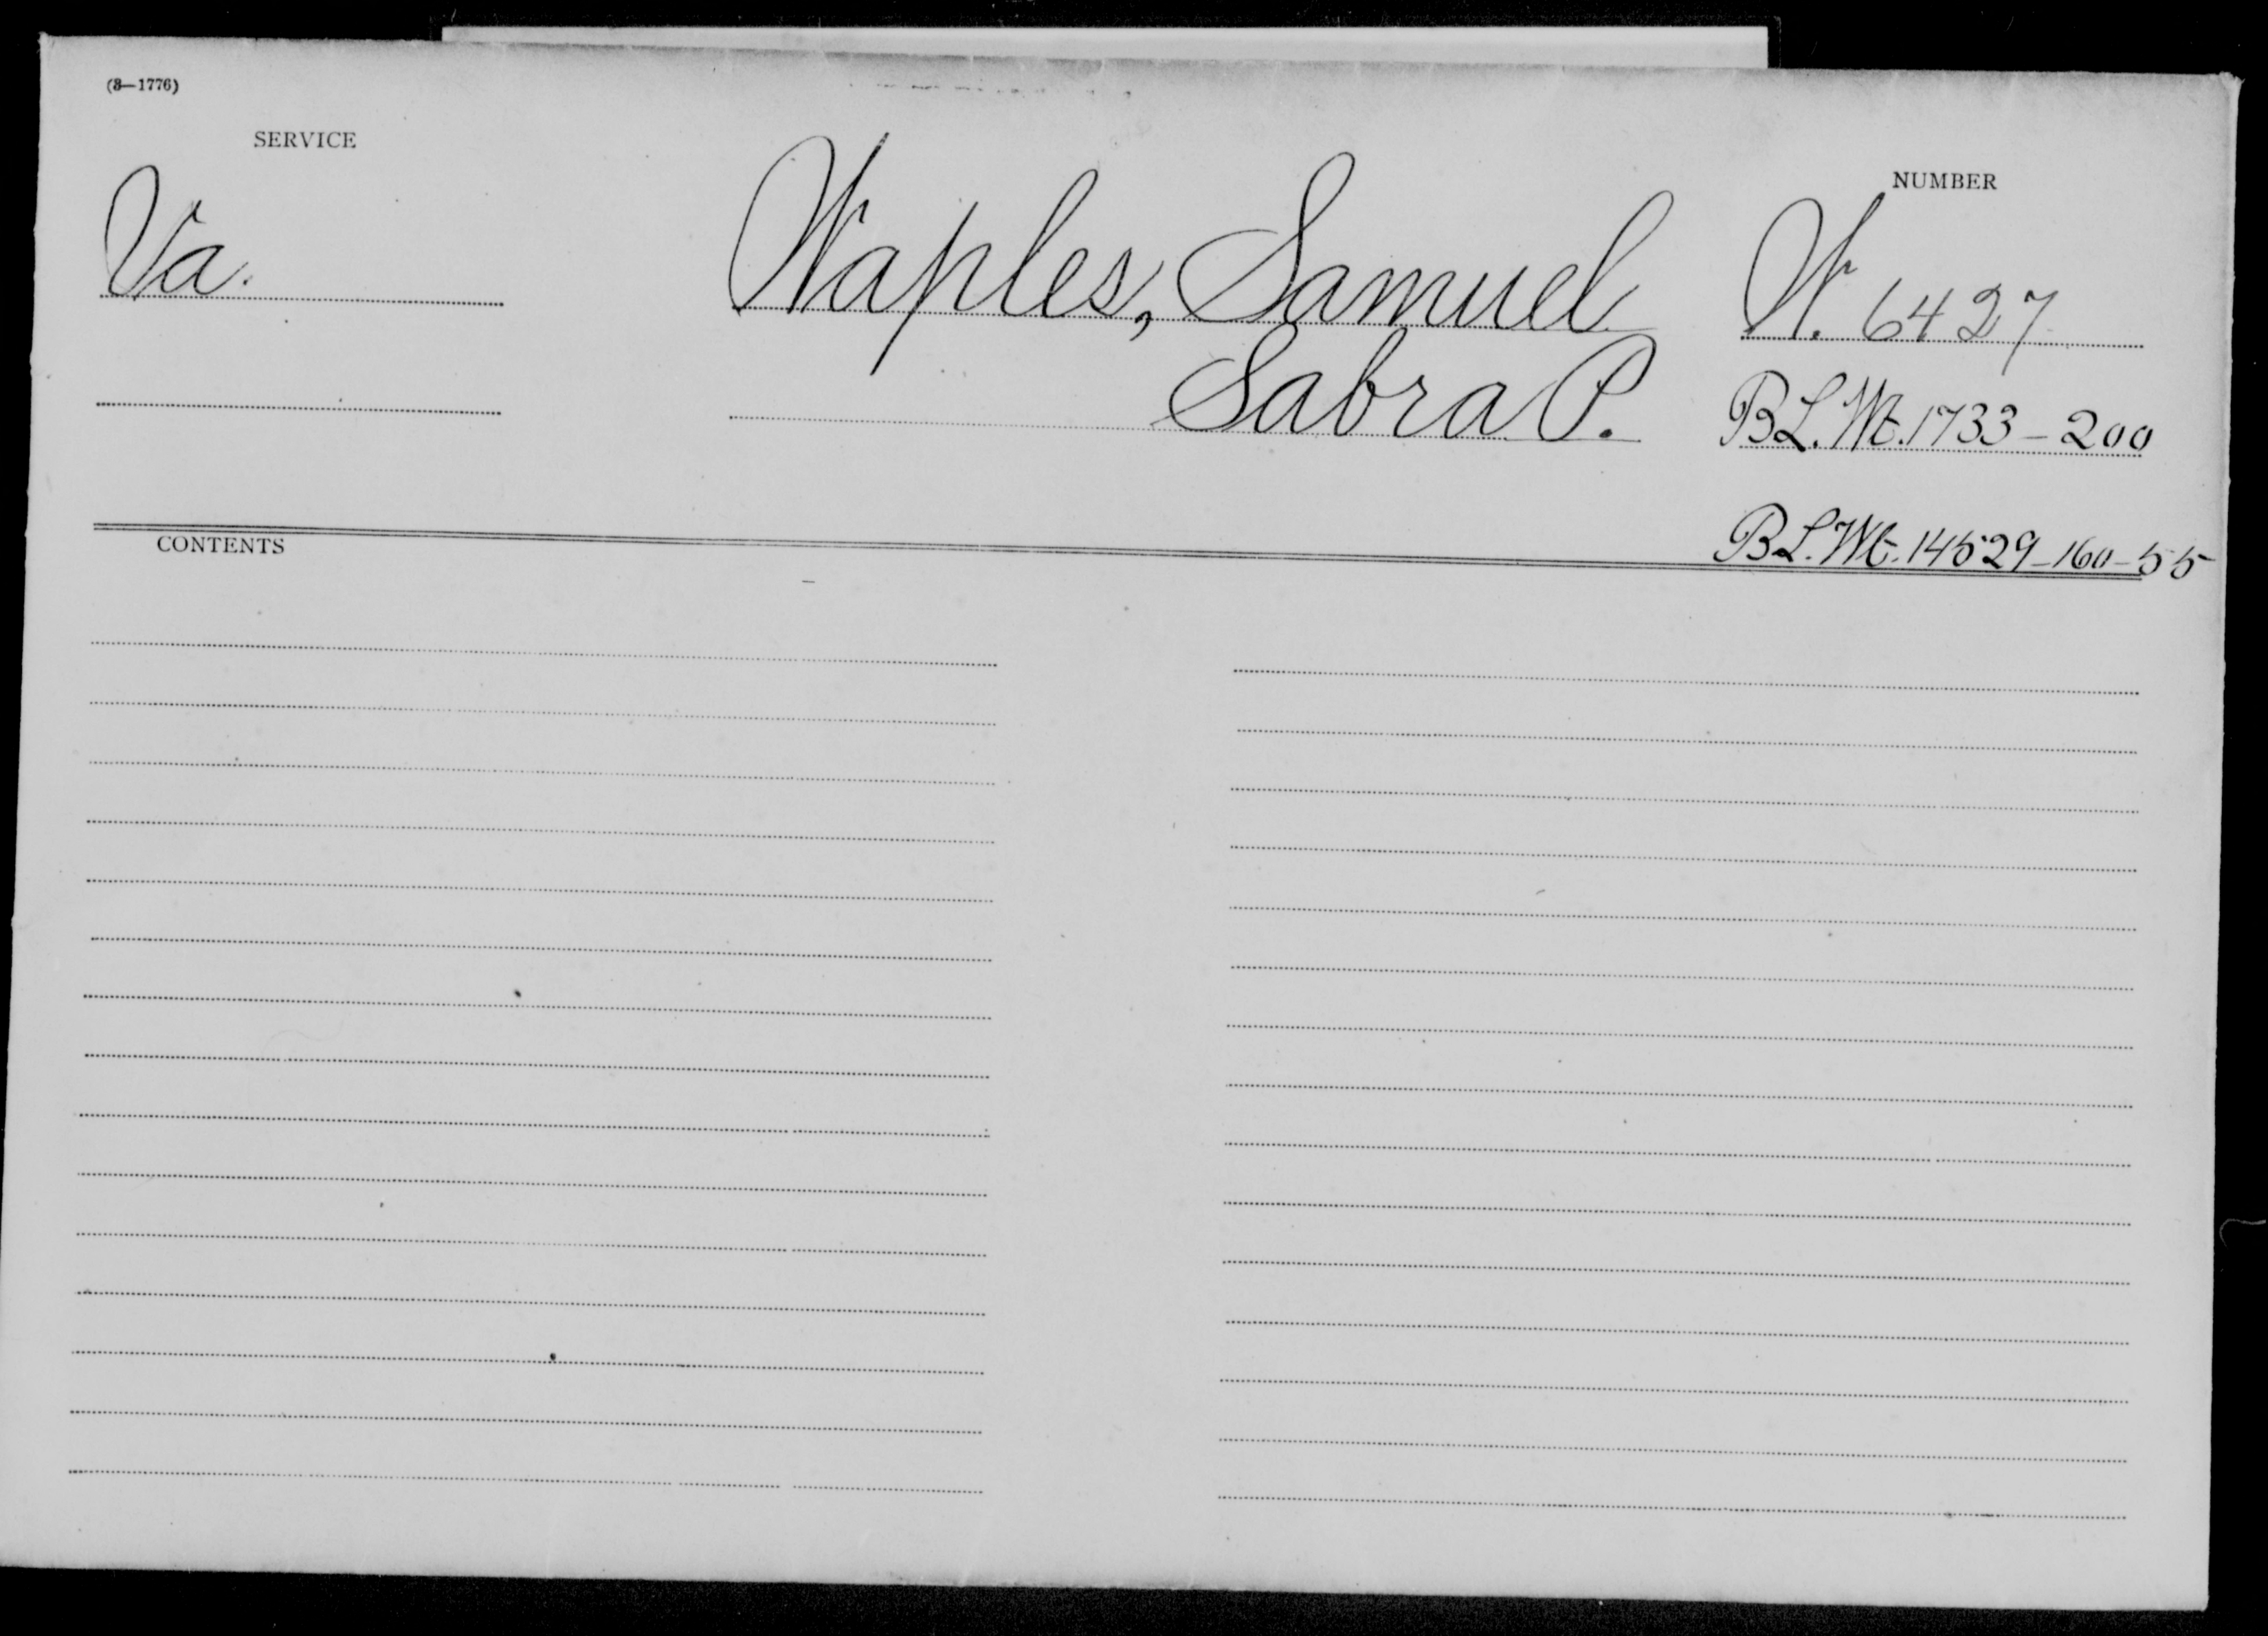(3 - 1776)
SERVICE 
Va.

Waples, Samuel
Sabra P.

NUMBER
W. 6427
B L.Wt. 1733-200
B L.Wt. 14529-160-55

CONTENTS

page: 1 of 59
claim: widow's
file: W. 6427, Samuel Waples, Va.